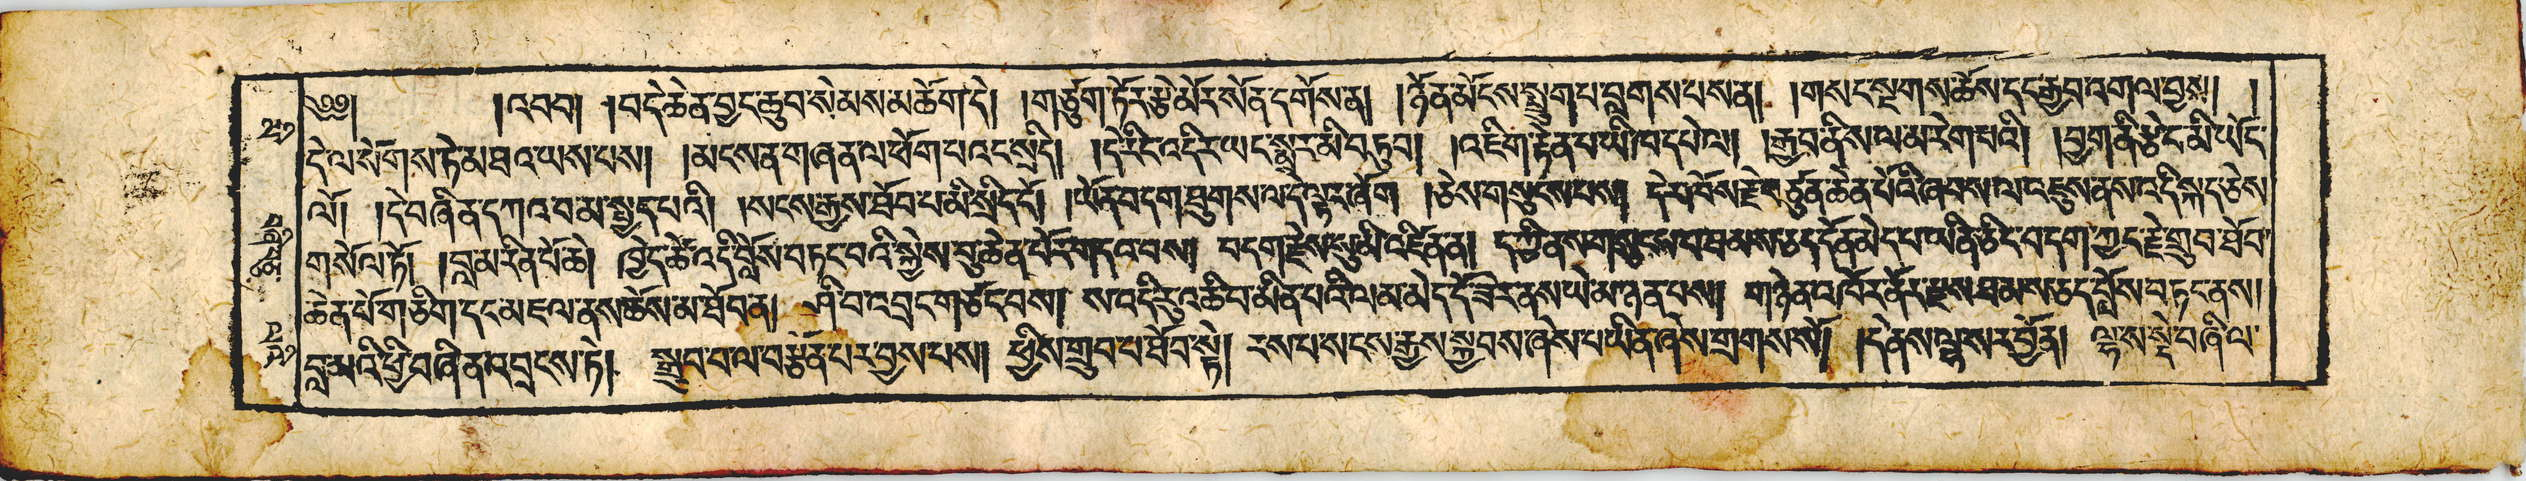འབབ། །བདེ་ཆེན་བྱང་ཆུབ་སེམས་མཆོག་དེ། །གཙུག་ཏོར་རྩེ་མོར་སོན་དགོས་ན། །ཉོན་མོངས་སྤྲུག་པ་བླགས་པས་ན། །གསང་སྔགས་ཆོས་དང་རྒྱབ་འགལ་བྱས། །
དེ་ལ་སོགས་ཏེ་མཐའ་ཡས་པས། །མངས་ན་གཞན་ལ་ཕོག་པའང་སྲིད། །དེ་རིང་འདིར་ཡང་སྨྲར་མི་བཏུབ། །འཇིག་རྟེན་པ་ཡི་ཁ་དཔེ་ལ། །རྒྱབ་ནི་ས་ལ་མ་རེག་པའི། །བྱག་ནི་རྩེ་ང་མི་ཡོད་
ལོ། །དེ་བཞིན་དཀའ་བ་མ་སྤྱད་པའི། །སངས་རྒྱས་ཐོབ་པ་མི་སྲིད་དོ། །ཡོན་བདག་ཐུགས་ལ་དེ་ལྟར་ཞོག །ཅེས་གསུངས་པས། དེར་ཁོས་རྗེ་བཙུན་ཆེན་པོའི་ཞབས་ལ་འཇུས་ནས་འདི་སྐད་ཅེས་
གསོལ་ཏོ། །བླ་མ་རིན་པོ་ཆེ། ཁྱེད་ཚེ་འདི་བློས་བཏང་བའི་སྐྱེས་བུ་ཆེན་པོར་གདའ་བས། བདག་རྗེས་སུ་འཛིན་ན། ད་ཀྱིན་གསུངས་པ་ཐམས་ཅད་དོན་མེད་པ་ཡིན་ཅིང་བདག་ཀྱང་རྗེ་གྲུབ་ཐོབ་
ཆེན་པོ་གཅིག་དང་མཇལ་ནས་ཆོས་མ་ཐོབ་ན། ཤི་བ་འབྲང་གཙང་བས། ས་འདི་རུ་འཆི་བ་མིན་པའི་ལམ་མེད་དོ་ཟེར་ནས་ཡེ་མ་ཉན་པས། གཉེན་འཁོར་ནོར་རྫས་ཐམས་ཅད་བློས་བཏང་ནས། 
བླ་མའི་ཕྱི་བཞིན་བབྲངས་ཏེ། སྒྲུབ་པ་ལ་བརྩོན་པར་བྱས་པས། ཕྱིས་གྲུབ་པ་ཐོབ་སྟེ། རས་པ་སངས་རྒྱས་སྐྱབས་ཞེས་པ་ཡིན་ཞེས་གྲགསས། །དེ་ནས་ལྷ་སརབྱོན། ལྷ་ས་སྡེ་བཞི་ལ་